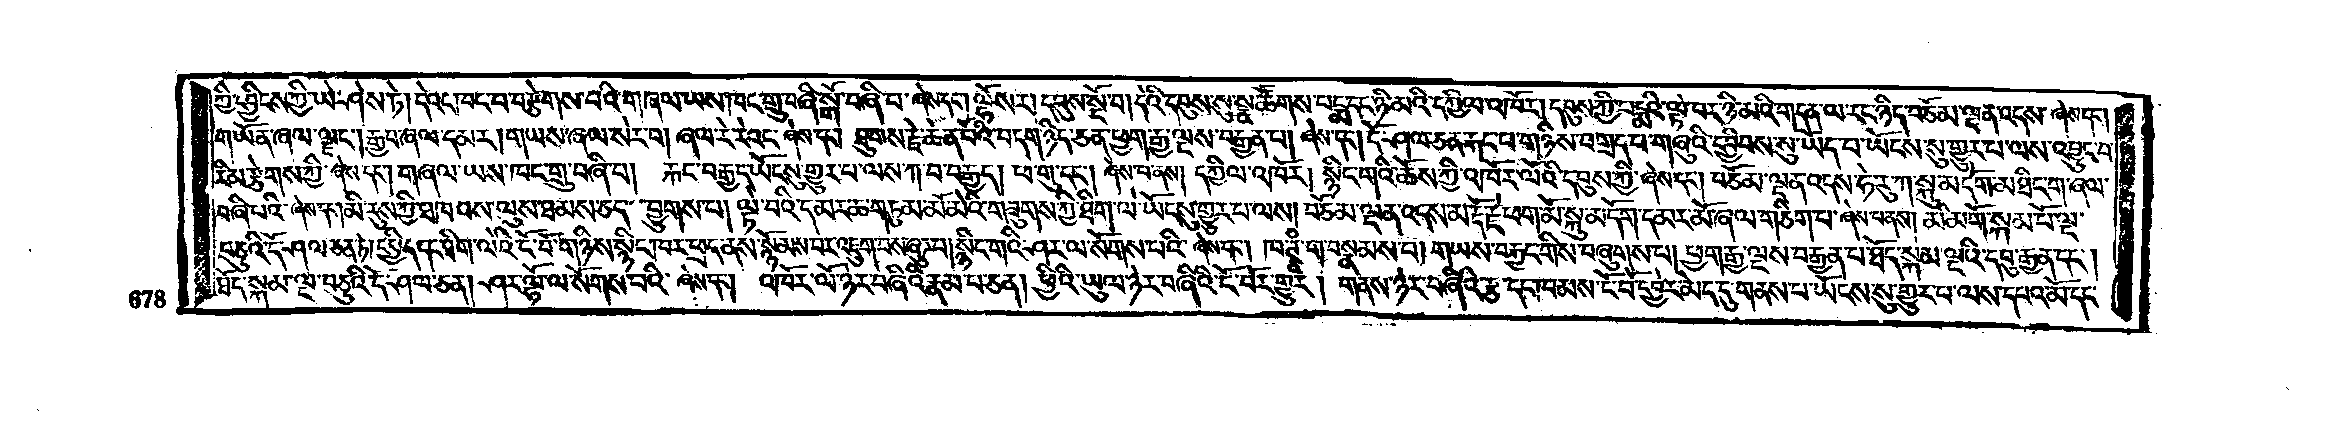ཀྱི་དབྱིངས་ཀྱི་ཡེ་ཤེས་ཏེ། དེའང་ཁང་བ་བརྩེགས་པའི་གཞལ་ཡས་ཁང་གྲུ་བཞི་སྒོ་བཞི་པ་ཞེས་དང་།  ལྷོ་སར། དབུས་སྔོ་བ། དེའི་དབུས་སུ་སྣ་ཚོགས་པདམ་དང་ཉི་མའི་དཀྱིལ་འཁོར། དབུས་ཀྱི་པདམའི་ལྟེ་བར་ཉི་མའི་གདན་ལ་རང་ཉིད་བཅོམ་ལྡན་འདས་ཞེས་དང་།
གཡོན་ཞལ་ལྗང་། རྒྱབ་ཞལ་དམར། གཡས་ཞལ་སེར་བ། ཞལ་རེ་རེའང་ཞེས་དང་།  ཐུགས་རྗེ་ཆེན་པོའི་བདག་ཉིད་ཅན་ཕྱག་རྒྱ་ལྔས་བརྒྱན་པ། ཞེས་དང་།  དོ་ཤལ་ཅན་རྐང་བ་གཉིས་བགྲད་པ་གཞུའི་དབྱིབས་སུ་ཡོད་པ་ཡོངས་སུ་གྱུར་པ་ལས་འབྱུང་བ་
རིམ་རྩེགས་ཀྱི་ཞེས་དང་།  གཞལ་ཡས་ཁང་གྲུ་བཞི་པ། རྐང་བརྒྱད་ཡོངས་སུ་གྱུར་པ་ལས་ཀ་བ་བརྒྱད། ཕ་གུ་དང་། ཞེས་པ་ནས།  དཀྱིལ་འཁོར། སྙིང་གའི་ཆོས་ཀྱི་འཁོར་ལོའི་དབུས་ཀྱི་ཞེས་དང་།  བཅོམ་ལྡན་འདས་ཧེ་རུ་ཀ་སྐུ་མདོག་མཐིང་ག་ཞལ་
བཞི་པའི་ཞེས་དང་།  མི་རུས་ཀྱི་ཐལ་བས་ལུས་ཐམས་ཅད་བྱུགས་པ། ལྟེ་བའི་དམར་ཆ་གཏུམ་མོ་མེའི་གཟུགས་ཀྱི་ཐིག་ལེ་ཡོངས་སུ་གྱུར་པ་ལས། བཅོམ་ལྡན་འདས་མ་རྡོ་རྗེ་ཕག་མོ་སྐུ་མདོག་དམར་མོ་ཞལ་གཅིག་པ་ཞེས་པ་ནས།  མི་མགོ་སྐམ་པོ་ལྔ་
བཅུའི་དོ་ཤལ་ཅན་ཏེ། དཔྱིད་དང་ཐིག་ལེའི་ངོ་བོ་གཉིས་སྙིང་ཁར་ཕྲད་ནས་སྙོམས་པར་འཇུག་པས་ཞུགས་པ། སྙིང་གའི་ཤར་ལ་སོགས་པའི་ཞེས་དང་།  ཁ་ཊྭཱཾ་ག་བསྣམས་པ། གཡས་བརྐྱང་གིས་བཞུགས་པ། ཕྱག་རྒྱ་ལྔས་བརྒྱན་པ་ཐོད་སྐམ་ལྔའི་དབུ་རྒྱན་དང་།
ཐོད་སྐམ་ལྔ་བཅུའི་དོ་ཤལ་ཅན། ཤར་ལྷོ་ལ་སོགས་པའི་ཞེས་དང་།  འཁོར་ལོ་ཉེར་བཞིའི་རྣམ་པ་ཅན། ཕྱིའི་ཡུལ་ཉེར་བཞིའི་ངོ་བོར་གྱུར། གནས་ཉེར་བཞིའི་རྩ་དང་ཁམས་ངོ་བོ་དབྱེར་མེད་དུ་གནས་པ་ཡོངས་སུ་གྱུར་པ་ལས་དཔའ་མོ་དང་